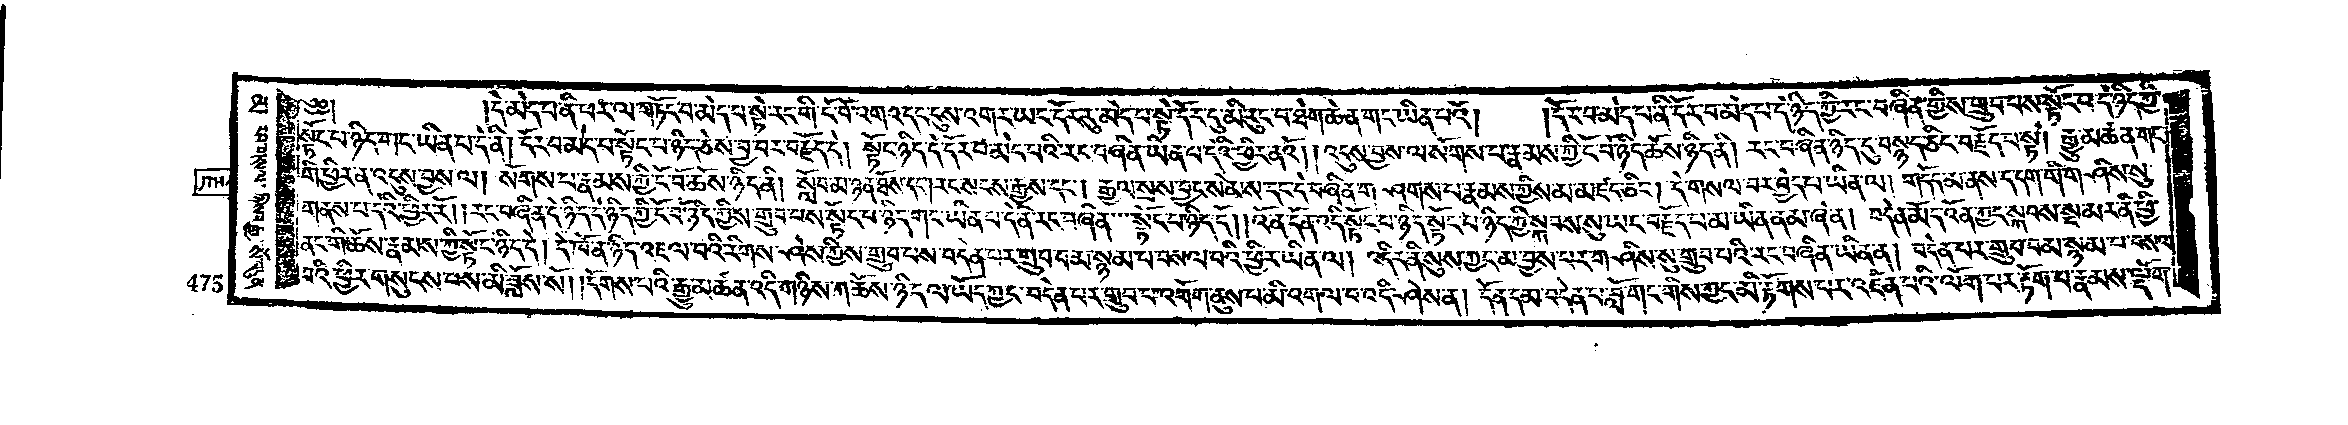༄༅། །དེ་མེད་པ་ནི་ཕར་ལ་གཏོང་བ་མེད་པ་སྟེ་རང་གི་ངོ་བོ་འགའ་དང་དུས་འགར་ཡང་དོར་དུ་མེད་པ་སྟེ་དོར་དུ་མི་རུང་བ་ཐེག་ཆེན་གང་ཡིན་པའོ། །དོར་བ་མེད་པ་ནི་དོར་བ་མེད་པ་དེ་ཉིད་ཀྱི་རང་བཞིན་གྱིས་གྲུབ་པས་སྟོང་པ་དེ་ཉིད་ཀྱི་
སྟོང་པ་ཉིད་གང་ཡིན་པ་དེ་ནི། དོར་བ་མེད་པ་སྟོང་པ་ཉིད་ཅེས་བྱ་བར་བརྗོད་དེ། སྟོང་ཉིད་དེ་དོར་པ་མེད་པའི་རང་བཞིན་ཡིན་པ་དེའི་ཕྱིར་ནའོ། །འདུས་བྱས་ལ་སོགས་པ་རྣམས་ཀྱི་ངོ་བོ་ཆོས་ཉིད་ནི། རང་བཞིན་ཉིད་དུ་བསྙད་ཅིང་བརྗོད་པ་སྟེ། རྒྱུ་མཚན་གང་
གི་ཕྱིར་ན་འདུས་བྱས་ལ། སོགས་པ་རྣམས་ཀྱི་ངོ་བོ་ཆོས་ཉིད་ནི། སློབ་མ་ཉན་ཐོས་དང་། རང་སངས་རྒྱས་དང་། རྒྱལ་སྲས་བྱང་སེམས་དང་དེ་བཞིན་གཤེགས་པ་རྣམས་ཀྱིས་མ་མཛད་ཅིང་། དེ་གསལ་བར་བྱེད་པ་ཡིན་ལ། གདོད་མ་ནས་དེ་དག་གི་གཤིས་སུ་
གནས་པ་དེའི་ཕྱིར་རོ། །རང་བཞིན་དེ་ཉིད་དེ་ཉིད་ཀྱི་ངོ་བོ་ཉིད་ཀྱིས་གྲུབ་པས་སྟོང་པ་ཉིད་གང་ཡིན་པ་དེ་ནི་རང་བཞིན་སྟོང་པ་ཉིད་དོ། །འོ་ན་དོན་འདི་སྟོང་པ་ཉིད་སྟོང་པ་ཉིད་ཀྱི་སྐབས་སུ་ཡང་བརྗོད་པ་མ་ཡིན་ནམ་ཞེ་ན། བདེན་མོད་འོན་ཀྱང་སྐབས་སྔ་མར་ནི་ཕྱི་
ནང་གི་ཆོས་རྣམས་ཀྱི་སྟོང་ཉིད་དེ། དེ་ཁོ་ན་ཉིད་འཇལ་བའི་རིགས་ཤེས་ཀྱིས་གྲུབ་པས་བདེན་པར་གྲུབ་བམ་སྙམ་པ་བསལ་བའི་ཕྱིར་ཡིན་ལ། འདིར་ནི་སུས་ཀྱང་མ་བྱས་པར་གཤིས་སུ་གྲུབ་པའི་རང་བཞིན་ཡིན་ན། བདེན་པར་གྲུབ་བམ་སྙམ་པ་བསལ་
བའི་ཕྱིར་གསུངས་པས་མི་ཟློས་སོ། །དོགས་པའི་རྒྱུ་མཚན་འདི་གཉིས་ཀ་ཆོས་ཉིད་ལ་ཡོད་ཀྱང་བདེན་པར་གྲུབ་པ་འགོག་ནུས་པ་མི་འགལ་བ་འདི་ཤེས་ན། དོན་དམ་བདེན་པ་བློ་གང་གིས་ཀྱང་མི་རྟོགས་པར་འཛིན་པའི་ལོག་པར་རྟོག་པ་རྣམས་ལྡོག་